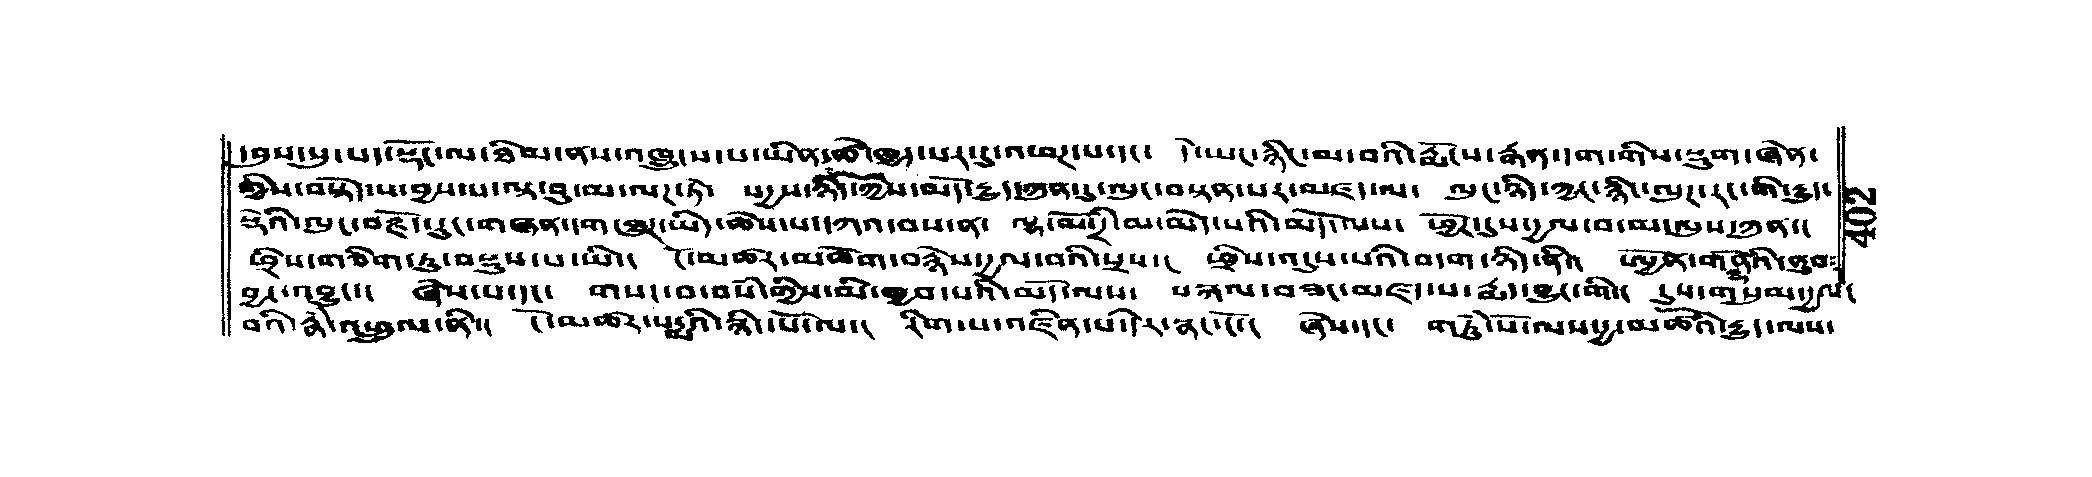དབུས་སུ་པད་སྡོང་ལ་ཐིམ་ནས་འཁྲུངས་པ་ཡིན་ཚེ་ཁྱད་པར་དུ་འཕགས་པ་དང་། དེ་ཡང་རྙིང་མ་བའི་རྨོངས་རྒན་དག་གིས་སྡུག་ཞེན་
གྱིས་བསྟོད་པ་བྱས་པ་ལྟ་བུ་མ་ལགས་ཏེ། སངས་རྒྱས་ཉིད་ཀྱིས་མདོ་རྒྱུད་ཀུན་ཏུ་ལུང་བསྟན་པར་མཛད་ལ། ལུང་ཉིད་ཀྱང་རྙིང་ལུགས་རང་གི་རྒྱུད་
སྡེའི་ལུང་བརྗོད་རུང་གཞན་དག་ཐུགས་ཡིད་ཆེས་པ་དཀའ་བས་ན། ལྷ་མོ་དྲི་མ་མེད་པའི་མདོ་ལས། ཕྱོགས་དུས་རྒྱལ་བ་མ་ལུས་ཀུན། །
ཕྲིན་ལས་གཅིག་ཏུ་བསྡུས་པ་ཡི། །ངོ་མཚར་མཆོག་བརྙེས་རྒྱལ་བའི་སྲས། །ཕྲིན་ལས་འདུས་པའི་བདག་ཉིད་ནི། ཨོ་རྒྱན་གནྡྷོའི་ནུབ་
བྱང་འབྱུང་། ཞེས་པ་དང་། གསང་བ་བསམ་གྱིས་མི་ཁྱབ་འི་མདོ་ལས།བསྐལ་བཟང་མཛད་པ་རྨད་བྱུང་གི །དུས་གསུམ་རྒྱལ་
བའི་རྣམ་འཕྲུལ་ནི། །ངོ་མཚར་པདྨའི་སྙིང་པོ་ལ། །རིག་པ་འཛིན་པ་དེར་སྣང་ངོ་། ཞེས་དང་། གཏུམ་པོ་ལས་རྒྱ་མཚོའི་རྒྱུད་ལས།